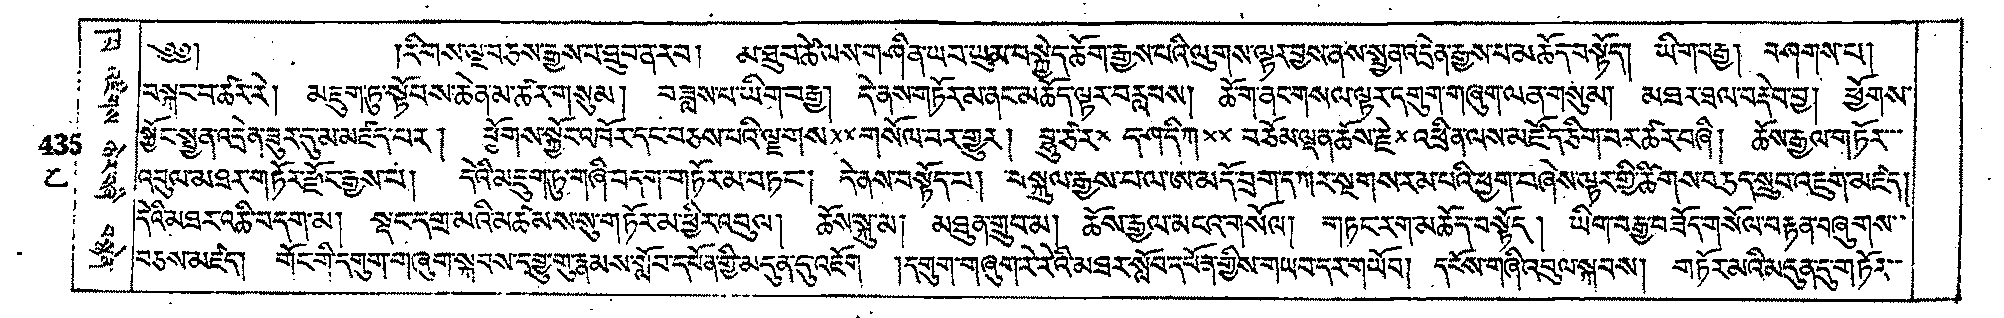༄༅། །རིགས་ལྔ་བཅས་རྒྱས་པ་ཐུབ་ན་རབ། མ་ཐུབ་ཚེ་ལས་གཤིན་ཡབ་ཡུམ་བསྐྱེད་ཆོག་རྒྱས་པའི་ལུགས་ལྟར་བྱས་ནས་སྤྱན་འདྲེན་རྒྱས་པ་མཆོད་བསྟོད། ཡིག་བརྒྱ། བཤགས་པ།
བསྐང་བ་ཚར་རེ། མཇུག་ཏུ་སྟོབས་ཆེན་མ་ཚར་གསུམ། བཟླས་པ་ཡིག་བརྒྱ། དེ་ནས་གཏོར་མ་ནང་མཆོད་ལྟར་བརླབས། ཆོ་ག་ནང་གསལ་ལྟར་དགུག་གཞུག་ལན་གསུམ། མཐར་ཐལ་བརྡེབ་བྱ། ཕྱོགས་
སྐྱོང་སྤྱན་འདྲེན་ཟུར་དུ་མ་མཛད་པར། ཕྱོགས་སྐྱོང་འཁོར་དང་བཅས་པའི་ལྗགས་྾་྾་གསོལ་བར་གྱུར། བྷུ་ཙ་ར་྾་ད་ཤ་དིཀ་྾་྾་བཅོམ་ལྡན་ཆོས་རྗེ་྾་འཕྲིན་ལས་མཛོད་ཅིག་བར་ཚར་བཞི། ཆོས་རྒྱལ་གཏོར་་་
འབུལ་མཐར་གཏོར་རྫོང་རྒྱས་པ། དེའི་མཇུག་ཏུ་གཞི་བདག་གཏོར་མ་བཏང་། དེ་ནས་བསྟོད་པ། བསྐུལ་རྒྱས་པ་ལ་ཨ་མདོ་བྲག་དཀར་སྔགས་རམ་པའི་ཕྱག་བཞེས་ལྟར་གྱི་ཚིགས་བཅད་སྲུབ་འཇུག་མཛད།
དེའི་མཐར་འཆི་བདག་མ། སྡང་དགྲ་མའི་མཚམས་སུ་གཏོར་མ་ཕྱིར་འབུལ། ཆོས་སྐུ་མ། མཐུན་གྲུབ་མ། ཆོས་རྒྱལ་མངའ་གསོལ། གཏང་རག་མཆོད་བསྟོད། ཡིག་བརྒྱ་བཟོད་གསོལ་བརྟན་བཞུགས་་་
བཅས་མཛད། གོང་གི་དགུག་གཞུག་སྐབས་དབྱུ་གུ་རྣམས་སློབ་དཔོན་གྱི་མདུན་དུ་འཇོག །དགུག་གཞུག་རེ་རེའི་མཐར་སློབ་དཔོན་གྱིས་གཡབ་དར་གཡོབ། དངོས་གཞི་འབུལ་སྐབས། གཏོར་མའི་མདུན་དུ་གཏོར་་་